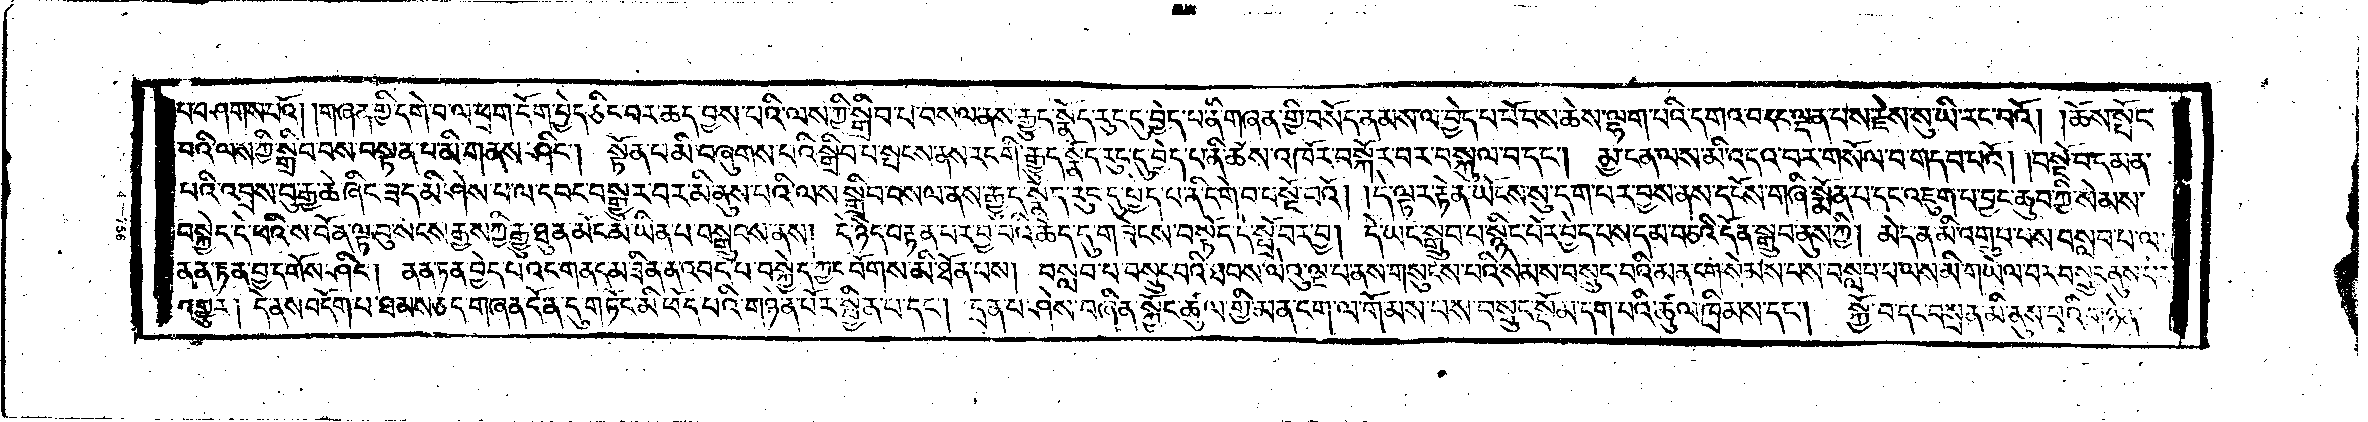པ་བཤགས་པའོ། །གཞན་གྱི་དགེ་བ་ལ་ཕྲག་དོག་བྱེད་ཅིང་བར་ཆད་བྱས་པའི་ལས་ཀྱི་སྒྲིབ་པ་བསལ་ནས་རྒྱུད་སྣོད་རུང་དུ་བྱེད་པ་ནི་གཞན་གྱི་བསོད་ནམས་ལ་བྱེད་པ་པོ་བས་ཆེས་ལྷག་པའི་དགའ་བ་དང་ལྡན་པས་རྗེས་སུ་ཡི་རང་བའོ། །ཆོས་སྤོང་
པའི་ལས་ཀྱི་སྒྲིབ་བས་བསྟན་པ་མི་གནས་ཤིང་། སྟོན་པ་མི་བཞུགས་པའི་སྒྲིབ་པ་སྤངས་ནས་རང་གི་རྒྱུད་སྣོད་རུང་དུ་བྱེད་པ་ནི་ཆོས་འཁོར་བསྐོར་བར་བསྐུལ་བ་དང་། མྱ་ངན་ལས་མི་འདའ་བར་གསོལ་བ་གདབ་པའོ། །བསྔོ་བ་དམན་
པའི་འབྲས་བུ་རྒྱ་ཆེ་ཞིང་ཟད་མི་ཤེས་པ་ལ་དབང་བསྒྱུར་བར་མི་ནུས་པའི་ལས་སྒྲིབ་བསལ་ནས་རྒྱུད་སྣོད་རུང་དུ་བྱེད་པ་ནི་དགེ་བ་བསྔོ་བའོ། །དེ་ལྟར་རྟེན་ཡོངས་སུ་དག་པར་བྱས་ནས་དངོས་གཞི་སྨོན་པ་དང་འཇུག་པ་བྱང་ཆུབ་ཀྱི་སེམས་
བསྐྱེད་དེ་ཕའི་ས་བོན་ལྟ་བུ་སངས་རྒྱས་ཀྱི་རྒྱུ་ཐུན་མོང་མ་ཡིན་པ་བསྒྲུབས་ནས། དེ་ཉིད་བརྟན་པར་བྱ་བའི་ཆེད་དུ་གཟེངས་བསྟོད་དེ་སྤྲོ་བར་བྱ། དེ་ཡང་སྒྲུབ་པ་སྙིང་པོར་བྱེད་པས་དམ་བཅའི་དོན་སྒྲུབ་ནུས་ཀྱི། མེད་ན་མི་འགྲུབ་པས་བསླབ་པ་ལ་
ནན་ཏན་བྱ་དགོས་ཤིང་། ནན་ཏན་བྱེད་པའང་གནད་མ་ཟིན་ན་འབད་པ་བསྐྱེད་ཀྱང་བོགས་མི་ཐོན་པས། བསླབ་པ་བསྲུང་བའི་ཐབས་ལེའུ་ལྔ་པ་ནས་གསུངས་པའི་སེམས་བསྲུང་བའི་མན་ངག་སེམས་པས་བསླབ་པ་ལས་མི་གཡེལ་བར་བསྲུང་ནུས་པར་
འགྱུར། དེ་ནས་བདོག་པ་ཐམས་ཅད་གཞན་དོན་དུ་གཏོང་མི་ཕོད་པའི་གཉེན་པོར་སྦྱིན་པ་དང་། དྲན་པ་ཤེས་བཞིན་སྐྱོང་ཚུལ་གྱི་མན་ངག་ལ་གོམས་པས་བསྲུང་སྡོམ་དག་པའི་ཚུལ་ཁྲིམས་དང་། སྐྱོ་བ་དང་བསྲན་མི་ནུས་པའི་གཉེན་